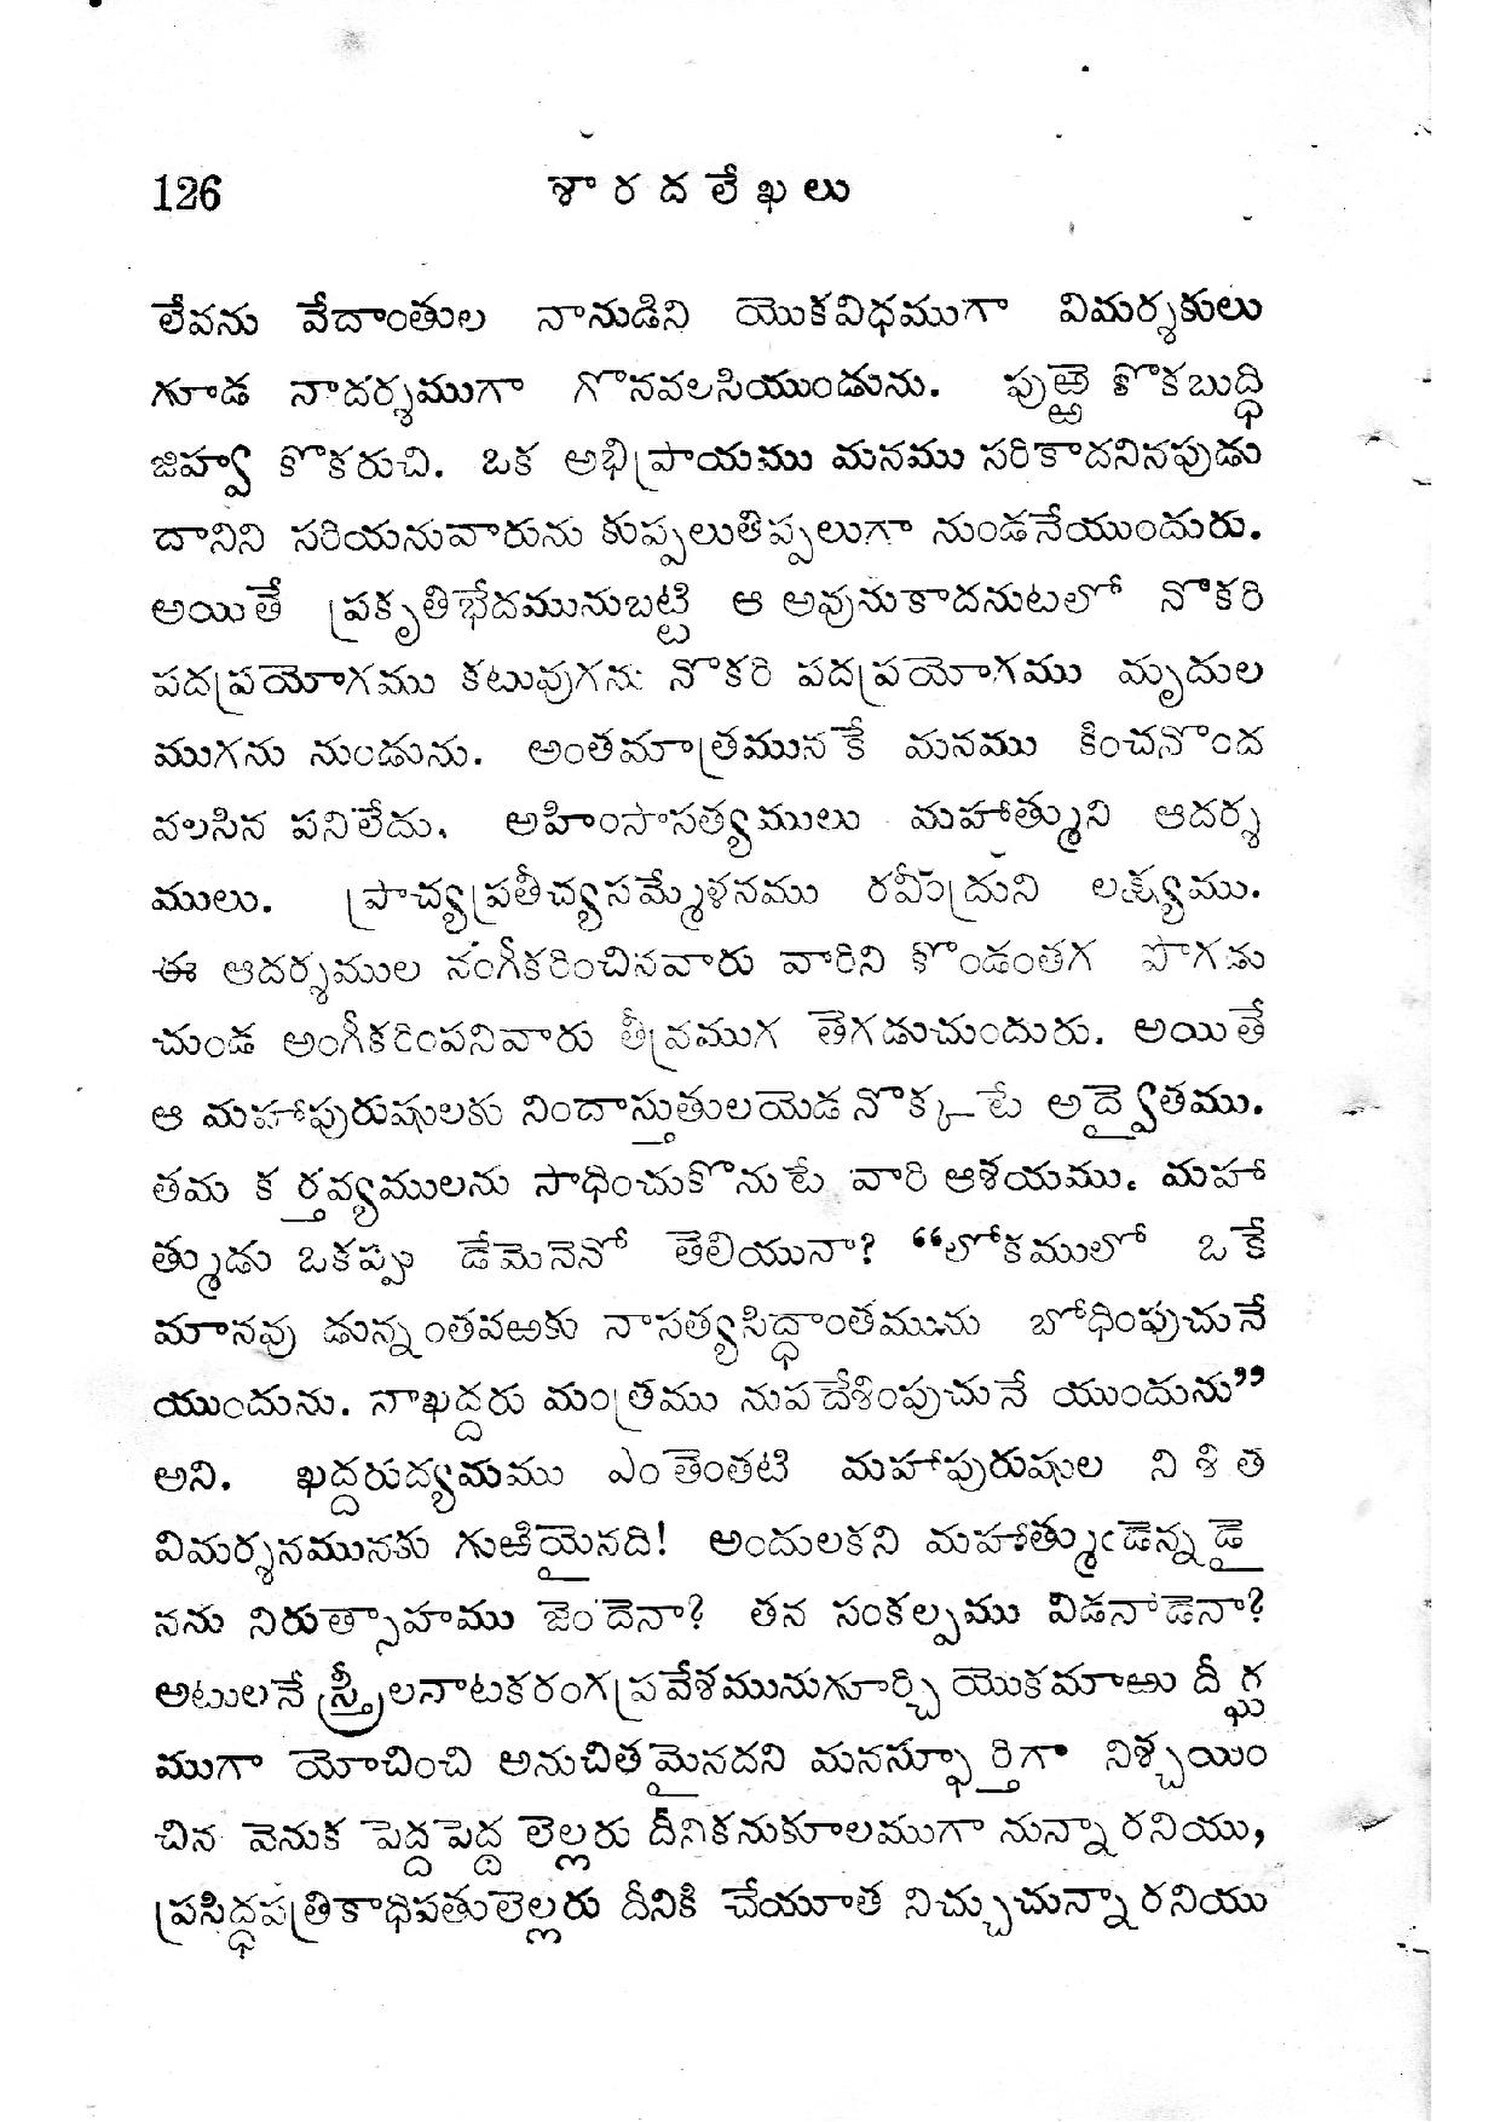లేవను వేదాంతుల నానుడిని యొకవిధముగా విమర్శకులు గూడ నాదర్శముగా గొనవలసియుండును. పుఱ్ఱె కొకబుద్ధి జిహ్వ కొకరుచి. ఒక అభిప్రాయము మనము సరికాదనినపుడు దానిని సరియనువారును కుప్పలుతిప్పలుగా నుండనేయుందురు. అయితే ప్రకృతిభేదమునుబట్టి ఆ అవునుకాదనుటలో నొకరి
పదప్రయోగము కటువుగను నొకరి పదప్రయోగము మృదులముగను నుండును. అంతమాత్రమునకే మనము కించనొందవలసిన పనిలేదు. అహింసాసత్యములు మహాత్ముని ఆదర్శములు. ప్రాచ్యప్రతీచ్య సమ్మేళనము రవీంద్రుని లక్ష్యము. ఈ ఆదర్శముల నంగీకరించినవారు వారిని కొండంతగ పొగడుచుండ అంగీకరింపనివారు తీవ్రముగ తెగడుచుందురు. అయితే ఆ మహాపురుషులకు నిందాస్తుతులయెడ నొక్కటే అద్వైతము. తమ కర్తవ్యములను సాధించుకొనుటే వారి ఆశయము. మహాత్ముడు ఒకప్పు డేమెనెనో తెలియునా? “లోకములో ఒకే మానవు డున్నంతవఱకు నాసత్యసిద్ధాంతమును బోధింపుచునే యుందును. నాఖద్దరు మంత్రము నుపదేశింపుచునే యుందును” అని. ఖద్దరుద్యమము ఎంతెంతటి మహాపురుషుల నిశితవిమర్శనమునకు గుఱియైనది! అందులకని మహాత్ముఁడెన్నడైనను నిరుత్సాహము జెందెనా? తన సంకల్పము విడనాడెనా? అటులనే స్త్రీలనాటకరంగ ప్రవేశమునుగూర్చి యొకమాఱు దీర్ఘముగా యోచించి అనుచితమైనదని మనస్ఫూర్తిగా నిశ్చయించిన వెనుక పెద్దపెద్ద లెల్లరు దీనికనుకూలముగా నున్నారనియు,
ప్రసిద్ధపత్రికాధిపతులెల్లరు దీనికి చేయూత నిచ్చుచున్నారనియు